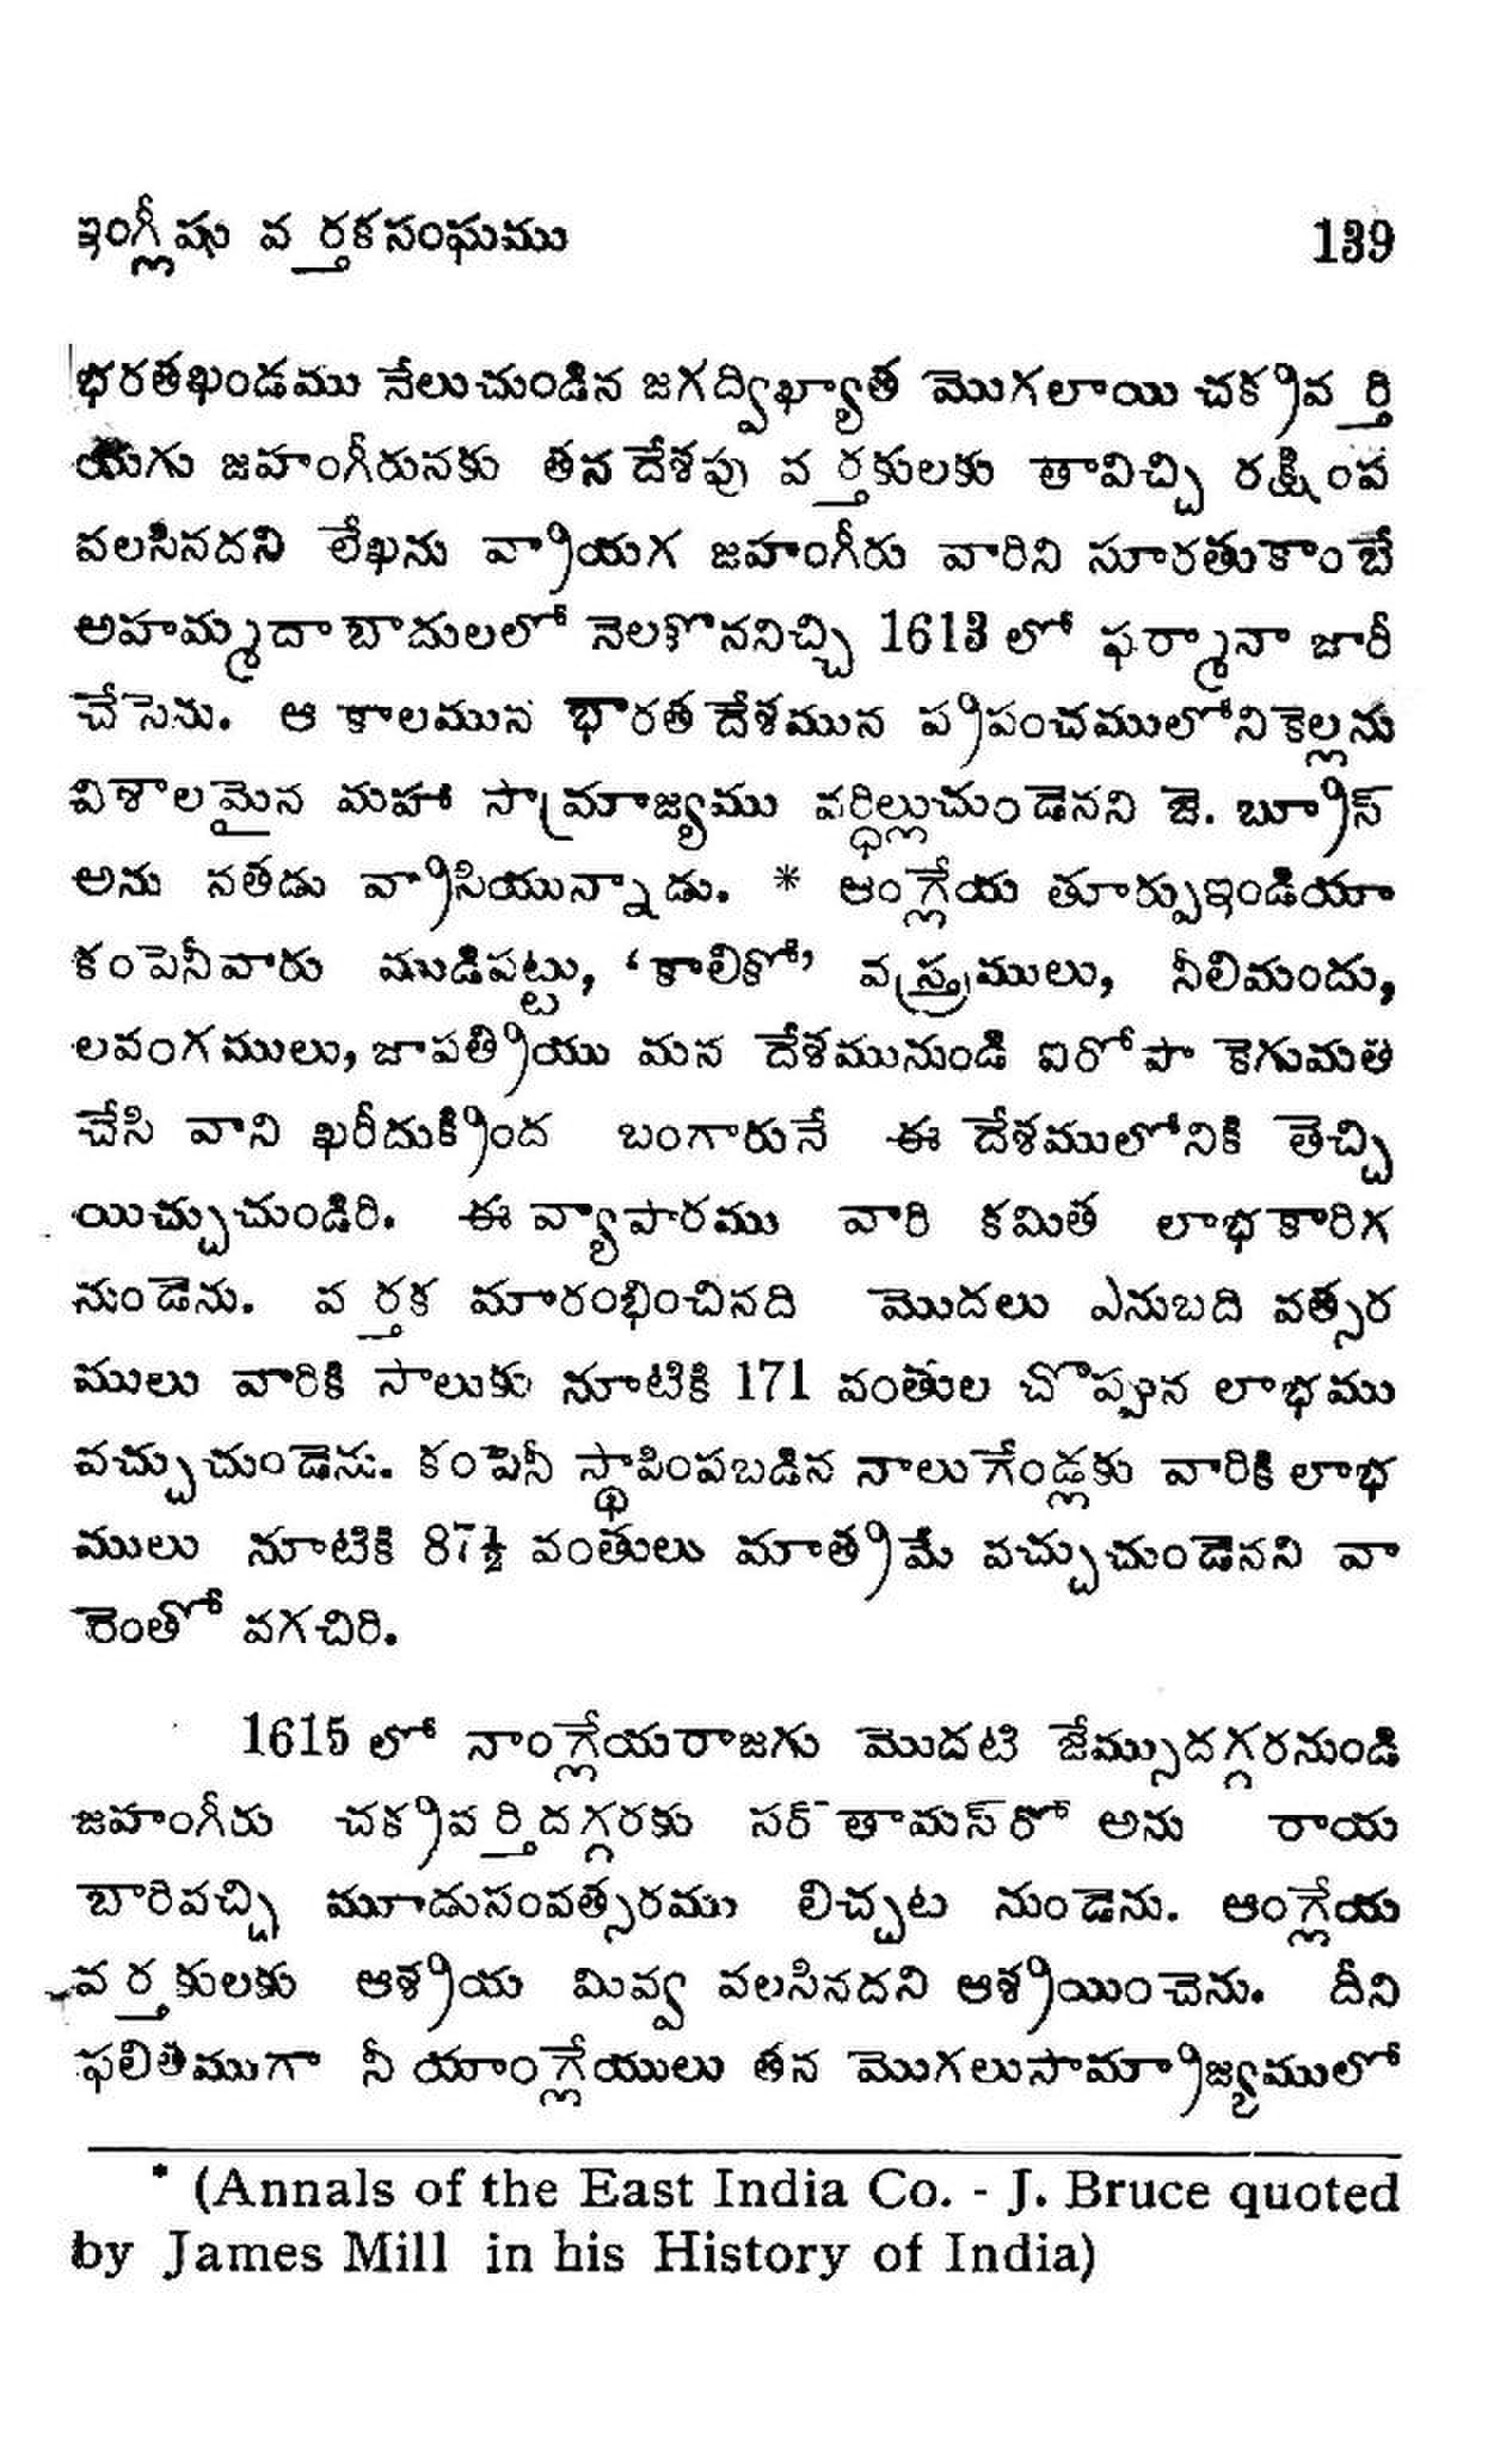భరతఖండము నేలుచుండిన జగద్విఖ్యాత మొగలాయి చక్రవర్తి యగు జహంగీరునకు తనదేశపు వర్తకులకు తావిచ్చి రక్షింపవలసినదని లేఖను వ్రాయగ జహంగీరు వారిని సూరతుకాంబే అహమ్మదాబాదులలో నెలకొననిచ్చి 1613 లో ఫర్మానా జారీ చేసెను. ఆ కాలమున భారతదేశమున ప్రపంచములోనికెల్లను విశాలమైన మహా సామ్రాజ్యము వర్ధిల్లుచుండెనని జె. బ్రూస్ అను నతడు వ్రాసియున్నాడు. ఆంగ్లేయ తూర్పుఇండియా కంపెనీవారు ముడిపట్టు, 'కాలికో' వస్త్రములు, నీలిమందు, లవంగములు, జాపత్రియు మన దేశమునుండి ఐరోపా కెగుమతి చేసి వాని ఖరీదుక్రింద బంగారునే ఈ దేశములోనికి తెచ్చి యిచ్చుచుండిరి. ఈ వ్యాపారము వారి కమిత లాభకారిగ నుండెను. వర్తక మారంభించినది మొదలు ఎనుబది వత్సరములు వారికి సాలుకు నూటికి 171 వంతుల చొప్పున లాభము వచ్చుచుండెను. కంపెనీ స్థాపింపబడిన నాలుగేండ్లకు వారికి లాభములు నూటికి 87 1/2 వంతులు మాత్రమే వచ్చుచుండెనని వా రెంతో వగచిరి.

1615 లో నాంగ్లేయరాజగు మొదటి జేమ్సుదగ్గరనుండి జహంగీరు చక్రవర్తిదగ్గరకు సర్ తామస్ రో అను రాయబారివచ్చి మూడుసంవత్సరము లిచ్చట నుండెను. ఆంగ్లేయ వర్తకులకు ఆశ్రయ మివ్వ వలసినదని ఆశ్రయించెను. దీని ఫలితముగా నీ యాంగ్లేయులు తన మొగలు సామ్రాజ్యములో